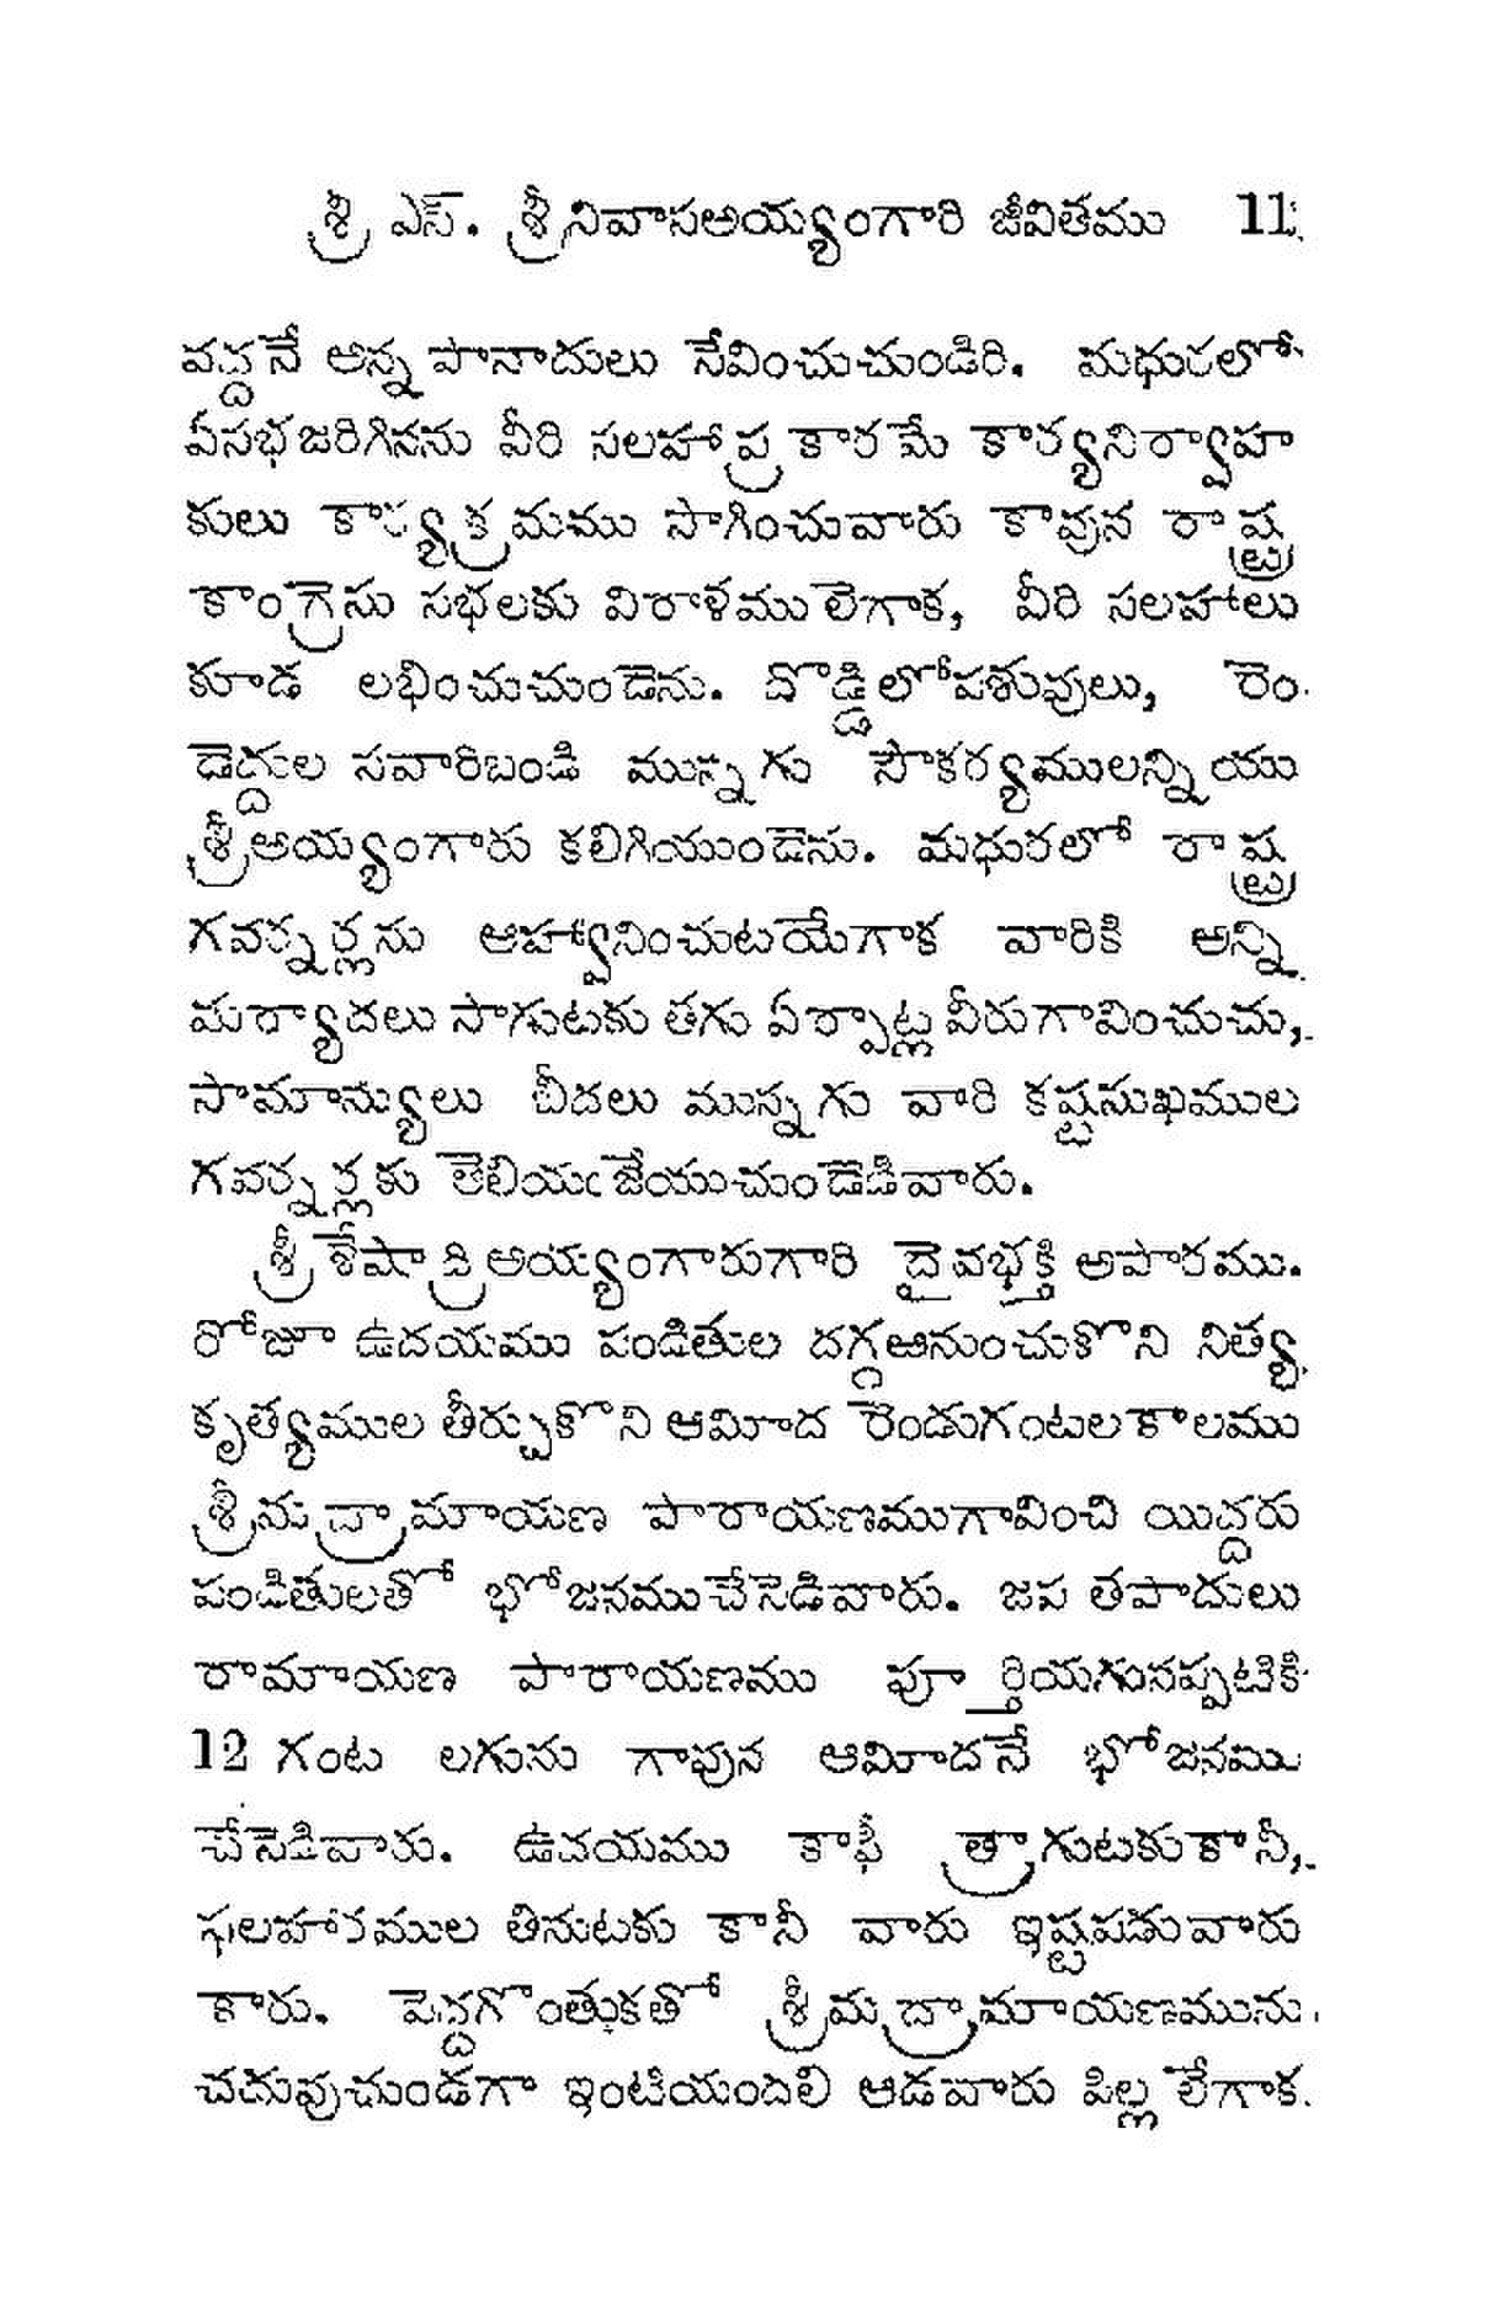వద్దనే అన్నపానాదులు సేవించుచుండిరి. మధురలో ఏసభజరిగినను వీరి సలహాప్రకారమే కార్యనిర్వాహకులు కార్యక్రమము సాగించువారు కావున రాష్ట్రకాంగ్రెసు సభలకు విరాళములెగాక, వీరి సలహాలు కూడ లభించుచుండెను. దొడ్డిలోపశువులు, రెండెద్దుల సవారిబండి మున్నగు సౌకర్యములన్నియు శ్రీఅయ్యంగారు కలిగియుండెను. మధురలో రాష్ట్రగవర్నర్లను ఆహ్వానించుటయేగాక వారికి అన్ని మర్యాదలు సాగుటకు తగు ఏర్పాట్లవీరుగావించుచు, సామాన్యులు బీదలు మున్నగు వారి కష్టసుఖముల గవర్నర్లకు తెలియఁజేయుచుండెడివారు.

శ్రీశేషాద్రిఅయ్యంగారుగారి దైవభక్తి అపారము. రోజూ ఉదయము పండితుల దగ్గఱనుంచుకొని నిత్యకృత్యముల తీర్చుకొని ఆమీద రెండుగంటలకాలము శ్రీమద్రామాయణ పారాయణముగావించి యిద్దరు పండితులతో భోజనముచేసెడిపోరు. జప తపాదులు రామాయణ పారాయణము పూర్తియగునప్పటికి 12 గంట లగును గావున ఆమీదనే భోజనము చేసెడివారు. ఉదయము కాఫీ త్రాగుటకుకానీ, ఫలహారముల తినుటకు కానీ వారు ఇష్టపడువారు కారు. పెద్దగొంతుకతో శ్రీమద్రామాయణమును చదువుచుండగా ఇంటియందలి ఆడవారు పిల్లలేగాక.